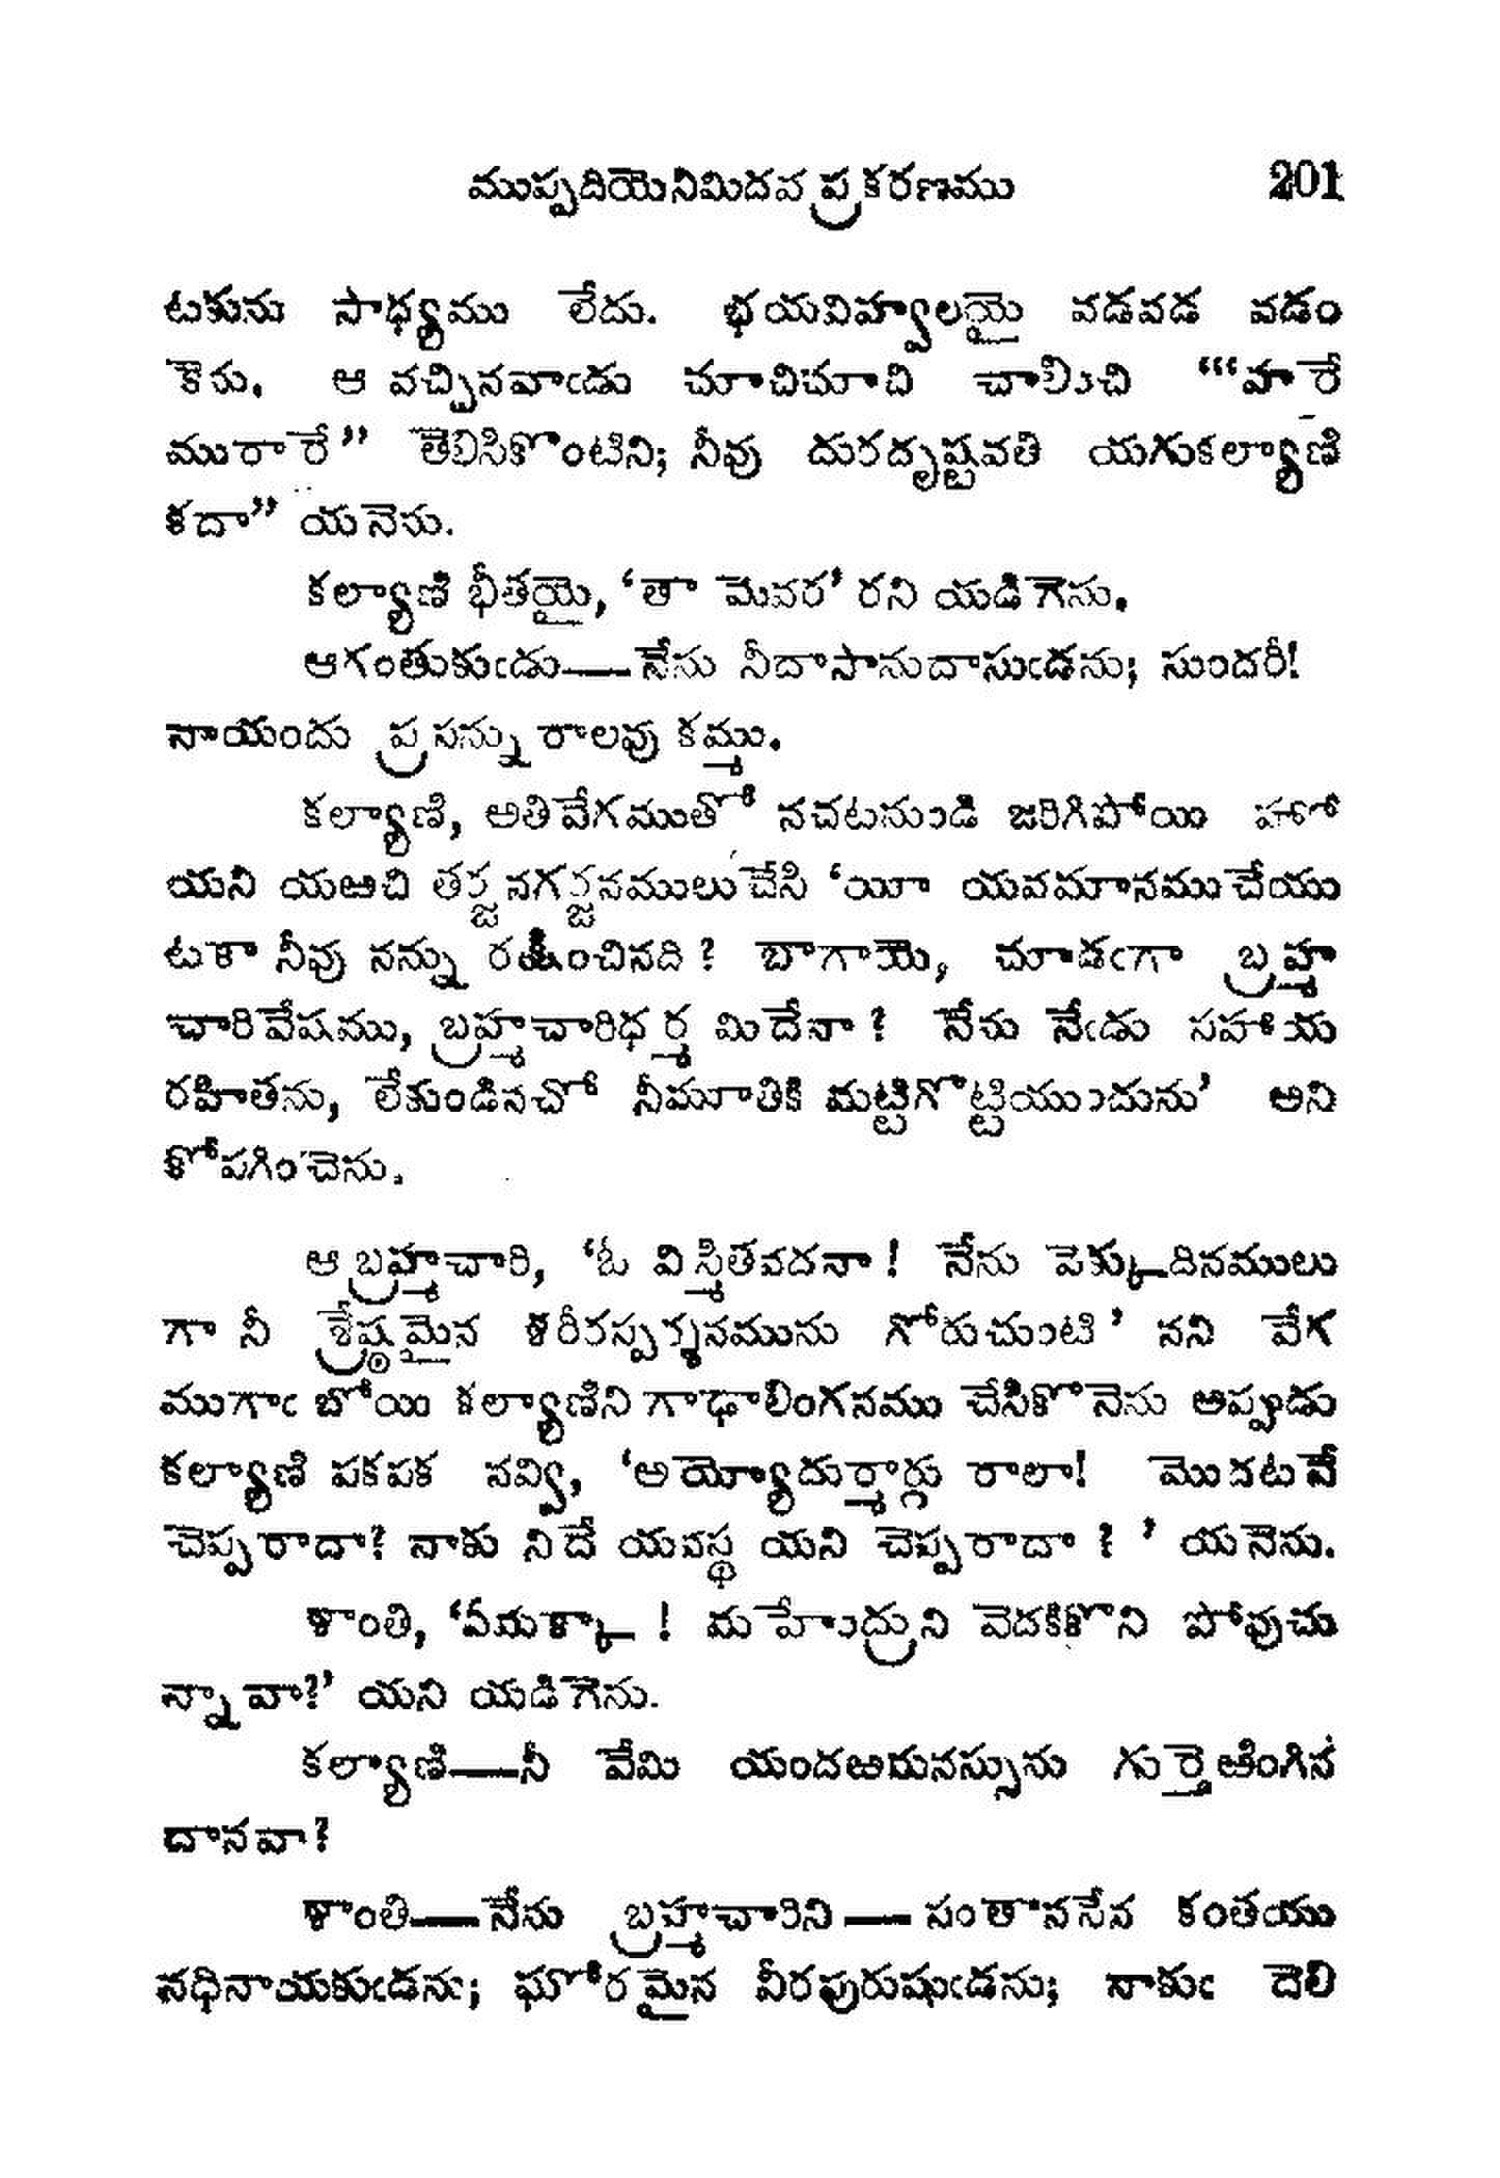టకును సాధ్యము లేదు. భయవిహ్వలయై వడవడ వడంకెను. ఆ వచ్చినవాఁడు చూచిచూచి చాలించి "హరే మురారే" తెలిసికొంటిని; నీవు దురదృష్టవతి యగుకల్యాణి కదా" యనెను.

కల్యాణి భీతయై, 'తా మెవర' రని యడి గెను.

ఆగంతుకుఁడు——నేను నీదాసానుదాసుఁడను; సుందరీ! నాయందు ప్రసన్ను రాలవు కమ్ము.

కల్యాణి, అతి వేగముతో నచటనుండి జరిగిపోయి హోయని యజచి తర్జనగర్జనములు చేసి 'యీ యవమానము చేయు
టకా నీవు నన్ను రక్షించినది ? బాగాయె, చూడఁగా బ్రహ్మచారి వేషము, బ్రహ్మచారిధర్మ మిదేనా ! నేను నేఁడు సహాయ
రహితను, 'లేకుండినచో నీమూతికి మట్టిగొట్టియుందును' అని కోపగించెను.

ఆ బ్రహ్మచారి, 'ఓ విస్మితవదనా ! నేను పెక్కు దినములుగా నీ శ్రేష్ఠమైన శరీరస్పర్శనమును గోరుచుంటి ' నని వేగ
ముగాఁ బోయి కల్యాణిని గాఢాలింగనము చేసికొనెను అప్పుడు కల్యాణి పకపక నవ్వి, 'అయ్యో దుర్మార్గు రాలా! మొదటనే
చెప్ప రాదా? నాకు నిదే యవస్థ యని చెప్పరాదా ? ' యనెను.

శాంతి, “ఏమక్కా ! మహేంద్రుని వెదకికొని పోవుచున్నావా?' యని యడిగెను.

కల్యాణి——నీ వేమి యందఱమనస్సును గుర్తెఱింగిన దానవా?

శాంతి—— నేను బ్రహ్మచారిని—— సంతాన సేన కంతయు నధినాయకుఁడను; ఘోరమైన వీరపురుషుఁడను; నాకుఁ దెలి